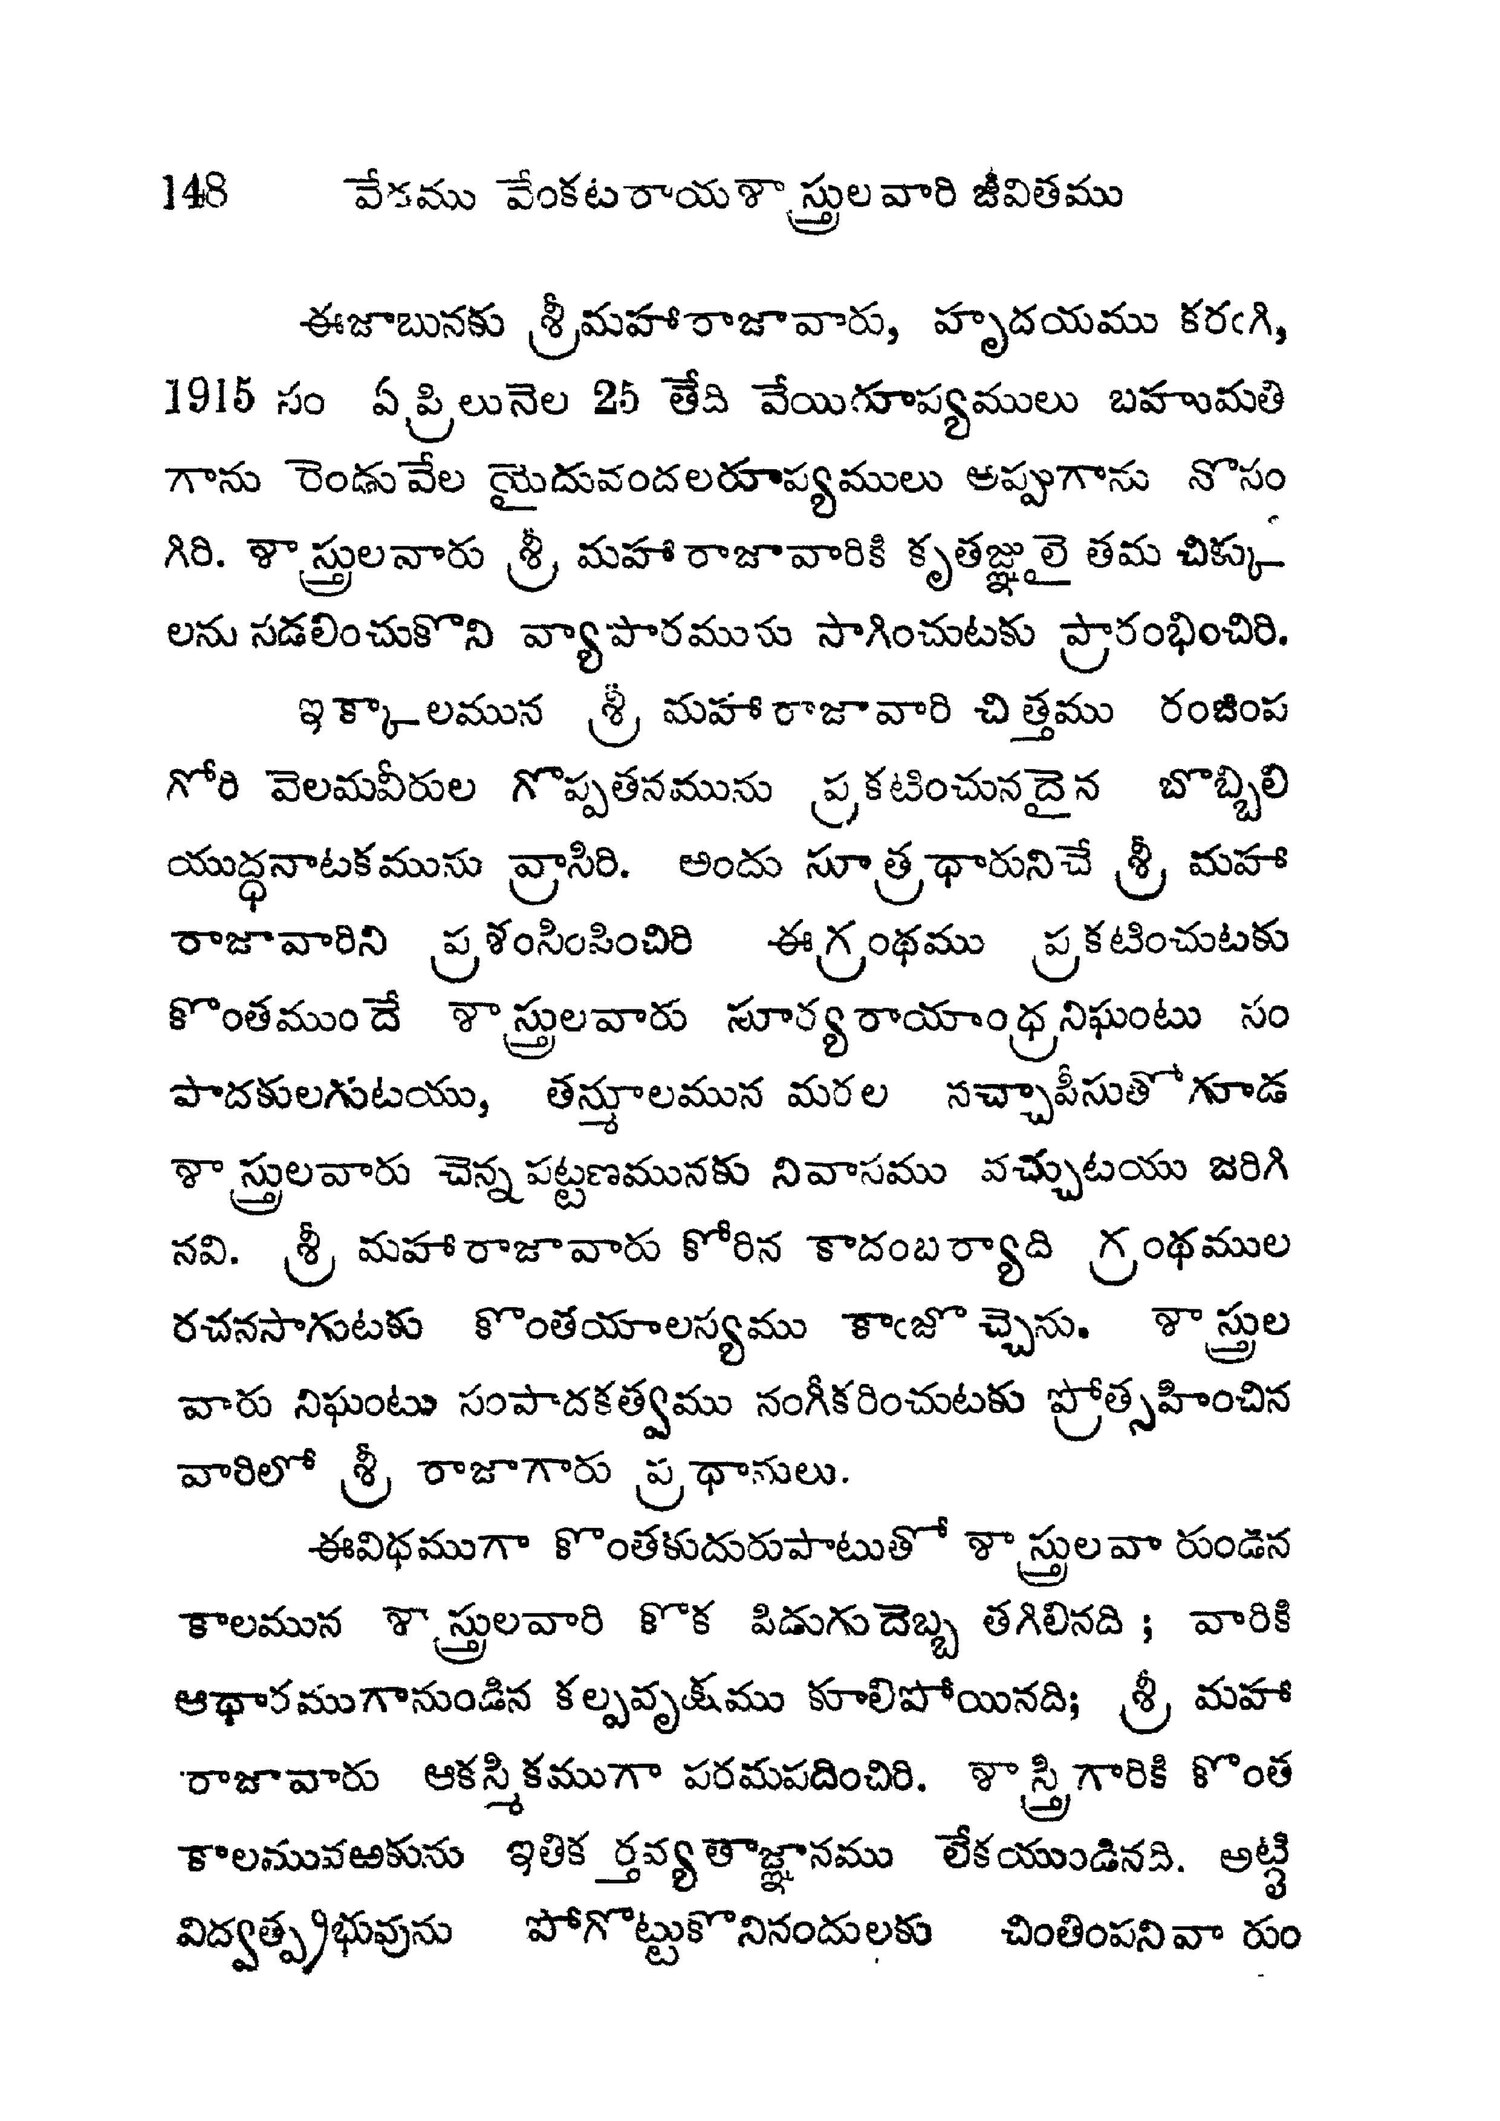ఈజాబునకు శ్రీమహారాజావారు, హృదయము కరగి, 1915 సం. ఏప్రిలునెల 25 తేది వేయిరూప్యములు బహుమతిగాను రెండువేల యైదువందలరూప్యములు అప్పుగాను నొసంగిరి. శాస్త్రులవారు శ్రీ మహారాజావారికి కృతజ్ఞులై తమ చిక్కులను సడలించుకొని వ్యాపారమును సాగించుటకు ప్రారంభించిరి.

ఇక్కాలమున శ్రీ మహారాజావారి చిత్తము రంజింపగోరి వెలమవీరుల గొప్పతనము ప్రకటించునదైన బొబ్బిలి యుద్ధనాటకమును వ్రాసిరి. అందు సూత్రథారునిచే శ్రీ మహారాజావారిని ప్రశంసింపించిరి. ఈగ్రంథము ప్రకటించుటకు కొంతముందే శాస్త్రులవారు సూర్యరాయాంధ్రనిఘంటు సంపాదకులగుటయు, తన్మూలమున మరల నచ్చాపీసుతోగూడ శాస్త్రులవారు చెన్న పట్టణమునకు నివాసము వచ్చుటయు జరిగినవి. శ్రీ మహారాజావారు కోరిన కాదంబర్యాది గ్రంథముల రచనసాగుటకు కొంతయాలస్యము కాజొచ్చెను. శాస్త్రులవారు నిఘంటు సంపాదకత్వము నంగీకరించుటకు ప్రోత్సహించినవారిలో శ్రీ రాజాగారు ప్రథానులు.

ఈవిధముగా కొంత కుదురుపాటుతో శాస్త్రులవా రుండిన కాలమున శాస్త్రులవారి కొక పిడుగుదెబ్బ తగిలినది; వారికి ఆధారముగానుండిన కల్పవృక్షము కూలిపోయినది; శ్రీ మహారాజావారు ఆకస్మికముగా పరమపదించిరి. శాస్త్రిగారికి కొంత కాలము వఱకును ఇతికర్తవ్యతాజ్ఞానము లేకయుండినది. అట్టి విద్వత్ప్రభువును పోగొట్టుకొని నందులకు చింతింపనివా రుం